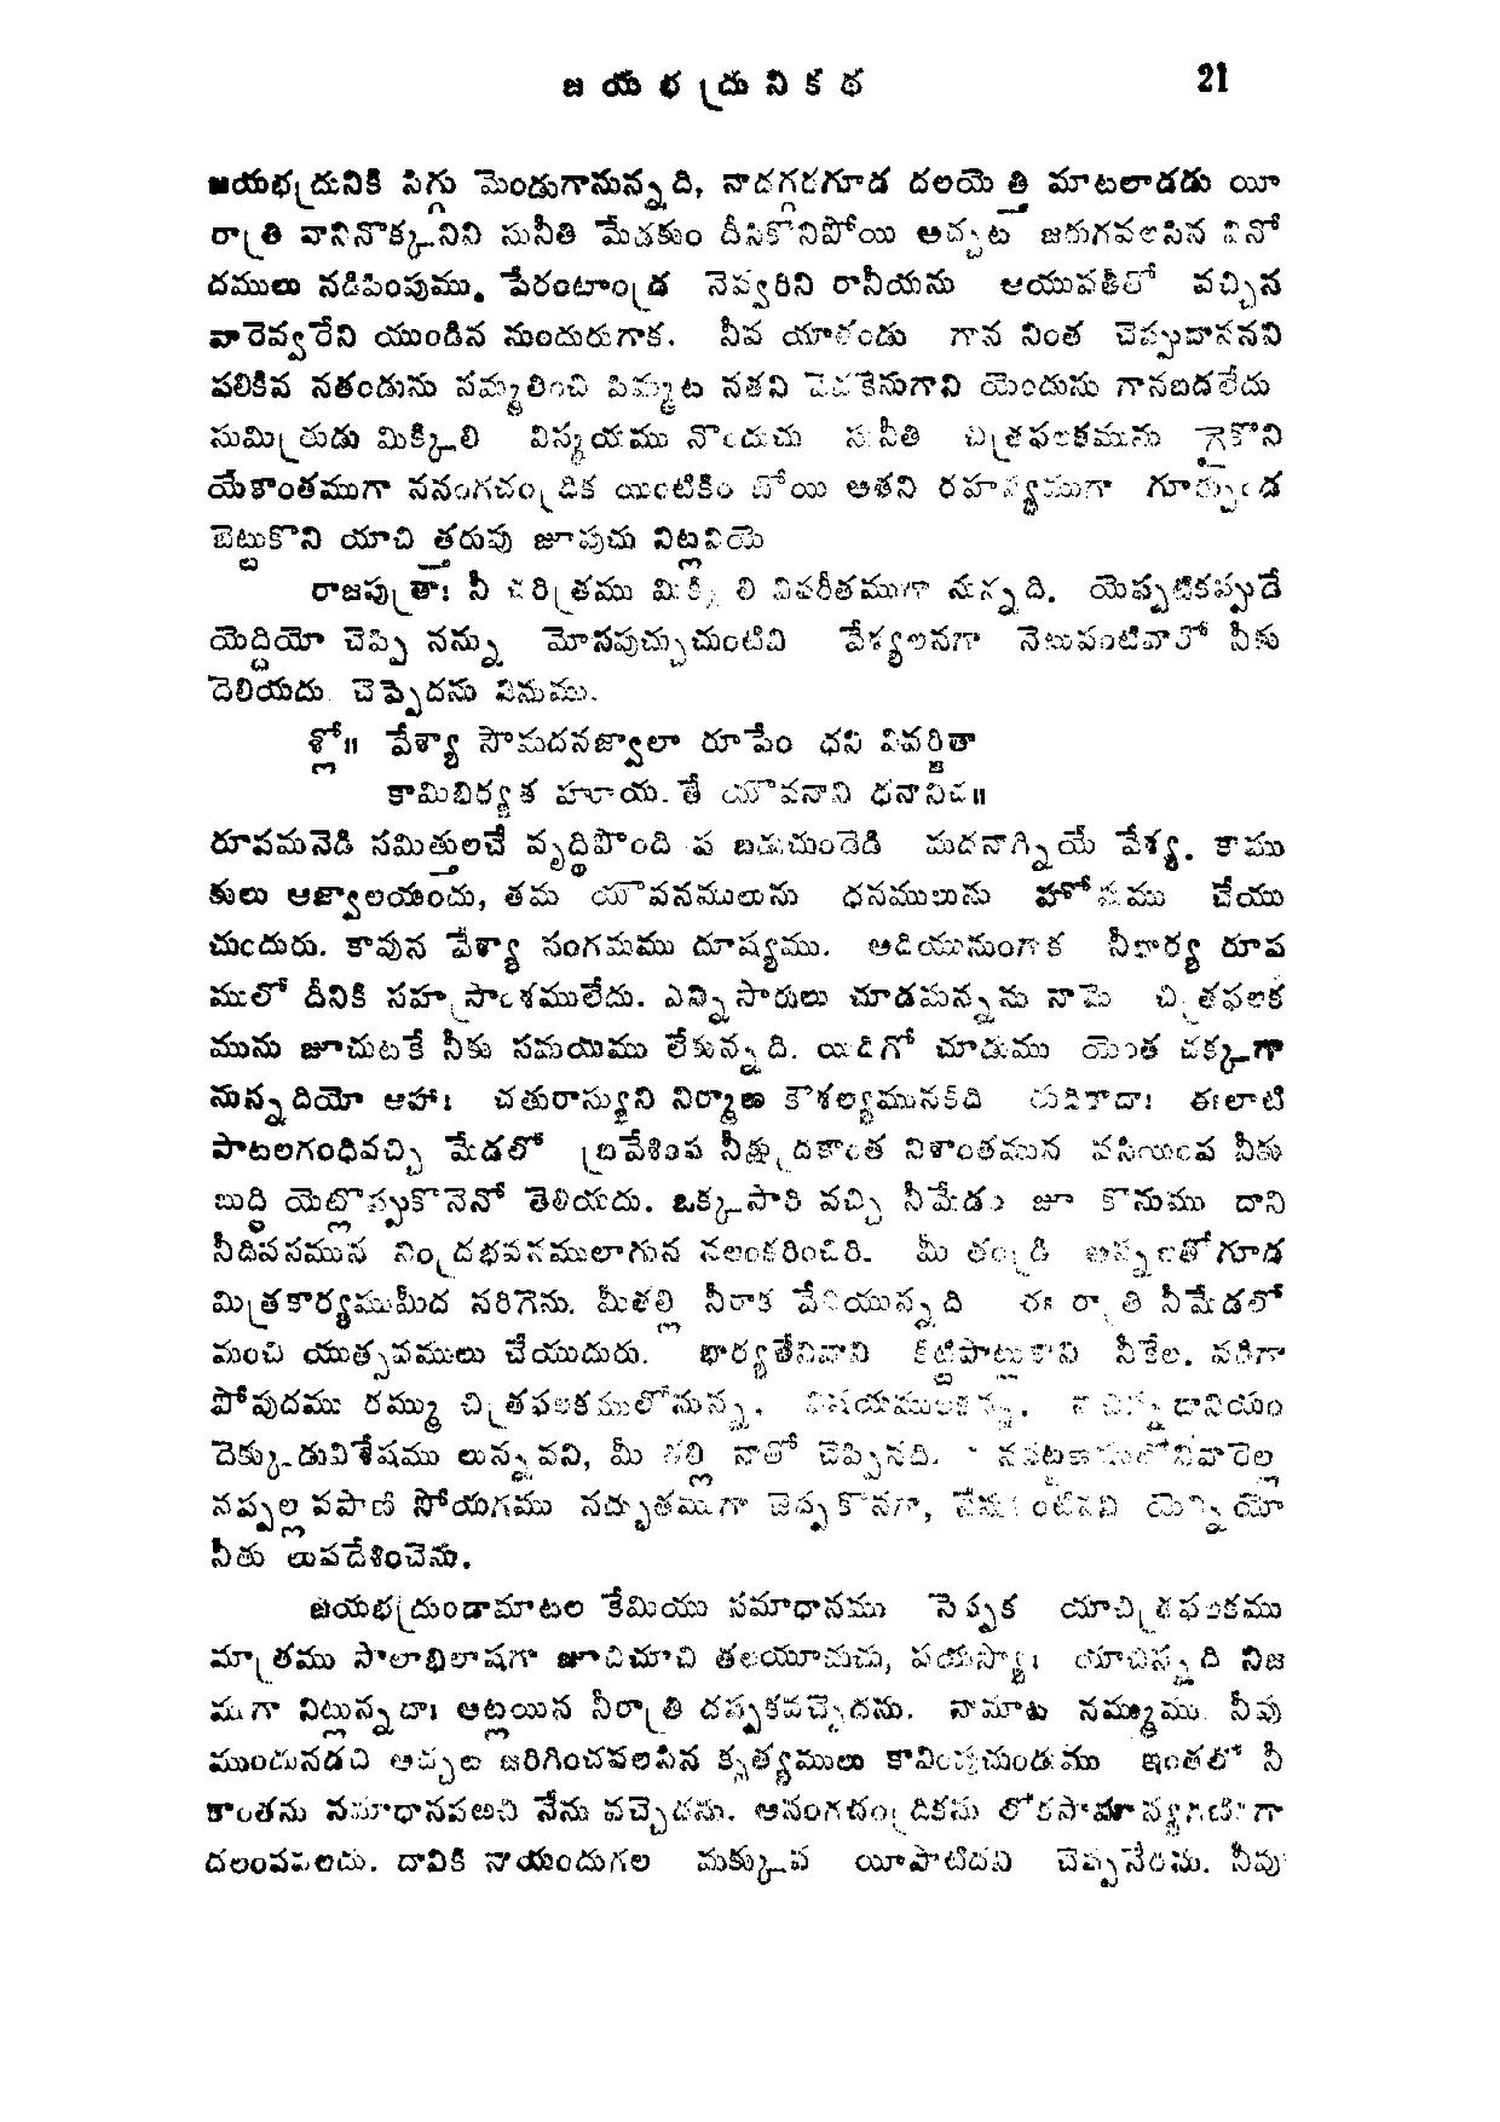జయభద్రునికి సిగ్గు మెండుగానున్నది. నాదగ్గరగూడ దలయెత్తి మాటలాడడు యీ రాత్రి వానినొక్కనిని సునీతి మేడకుం దీసికొనిపోయి అచ్చట జరుగవలసిన వినోదములు నడిపింపుము. పేరంటాండ్ర నెవ్వరిని రానీయను ఆయువతితో వచ్చిన వారెవ్వరేని యుండిన నుందురుగాక. నీవ యాతండు గాన నింత చెప్పుదాననని పలికిన నతండును సమ్మతించి పిమ్మట నతని వెదకెనుగాని యెందును గానబడలేదు. సుమిత్రుడు మిక్కిలి విస్మయము నొందుచు సునీతి చిత్రఫలకమును గైకొని యేకాంతముగా ననంగచంద్రిక యింటికిం బోయి ఆతని రహస్యముగా గూర్చుండబెట్టుకొని యాచిత్తరువు జూపుచు నిట్లనియె.

రాజపుత్రా! నీ చరిత్రము మిక్కిలి విపరీతముగా నున్నది. యెప్పటికప్పుడే యెద్దియో చెప్పి నన్ను మోసపుచ్చుచుంటివి వేశ్యలనగా నెటువంటివారో నీకు దెలియదు. చెప్పెదను వినుము.

శ్లో॥ వేశ్యా సౌమదనజ్వాలా రూపేం ధని వివర్జితా
 కామిభిర్యత హూయంతే యౌవనాని ధనానిచ ॥
రూపమనెడి సమిత్తులచే వృద్ధిపొందింపబడుచుండెడి మదనాగ్నియే వేశ్య. కాముకులు ఆజ్వాలయందు, తమ యౌవనములును ధనములును హోమము చేయుచుందురు. కావున వేశ్యాసంగమము దూష్యము. అదియునుంగాక నీభార్య రూపములో దీనికి సహస్రాంశములేదు. ఎన్నిసారులు చూడమన్నను నామె చిత్రఫలకమును జూచుటకే నీకు సమయము లేకున్నది. యిదిగో చూడుము యెంత చక్కగా నున్నదియో ఆహా! చతురాస్యుని నిర్మాణకౌశల్యమున కిది తుదికాదా! ఈలాటి పాటలగంధి వచ్చి మేడలో బ్రవేశింప నీక్షుద్రకాంత నిశాంతమున వసియింప నీకు బుద్ధి యెట్లొప్పుకొనెనో తెలియదు. ఒక్క సారి వచ్చి నీమేడం జూ కొనుము దాని నీదివసమున నింద్రభవనము లాగున నలంకరించిరి. మీ తండ్రి అన్నలతోగూడ మిత్రకార్యముమీద నరిగెను. మీతల్లి నీరాక వేచియున్నది ఈ రాత్రి నీమేడలో మంచి యుత్సవములు చేయుదురు. భార్యలేనివాని కిట్టిపాట్లుకాని నీకేల. వడిగా పోవుదము రమ్ము చిత్రఫలకములో నున్నవిషయములకన్న నాచిన్నదానియం దెక్కుడువిశేషము లున్నవని మీ తల్లి నాతో చెప్పినది. గాన పట్టణములోనివారెల్ల నప్పల్లవపాణి సోయగము నద్భుతముగా జెప్పకొనగా, నేను కంటినని యెన్నియో నీతు లుపదేశించెను.

జయభద్రుండామాటల కేమియు సమాధానము సెప్పక యాచిత్రఫలకము మాత్రము సాలాభిలాషగా జూచిచూచి తలయూచుచు, వయస్యా! యాచిన్నది నిజముగా నిట్లున్నదా! అట్లయిన నీరాత్రి దప్పక వచ్చెదను. నామాట నమ్ముము. నీవు ముందు నడచి అచ్చట జరిగించవలసిన కృత్యములు కావింపుచుండుము. ఇంతలో నీ కాంతను సమాధానపఱచి నేను వచ్చెదను. అనంగచంద్రికను లోకసామాన్యగణికగా దలంపవలదు. దానికి నాయందుగల మక్కువ యీపాటిదని చెప్పనేరను. నీవు